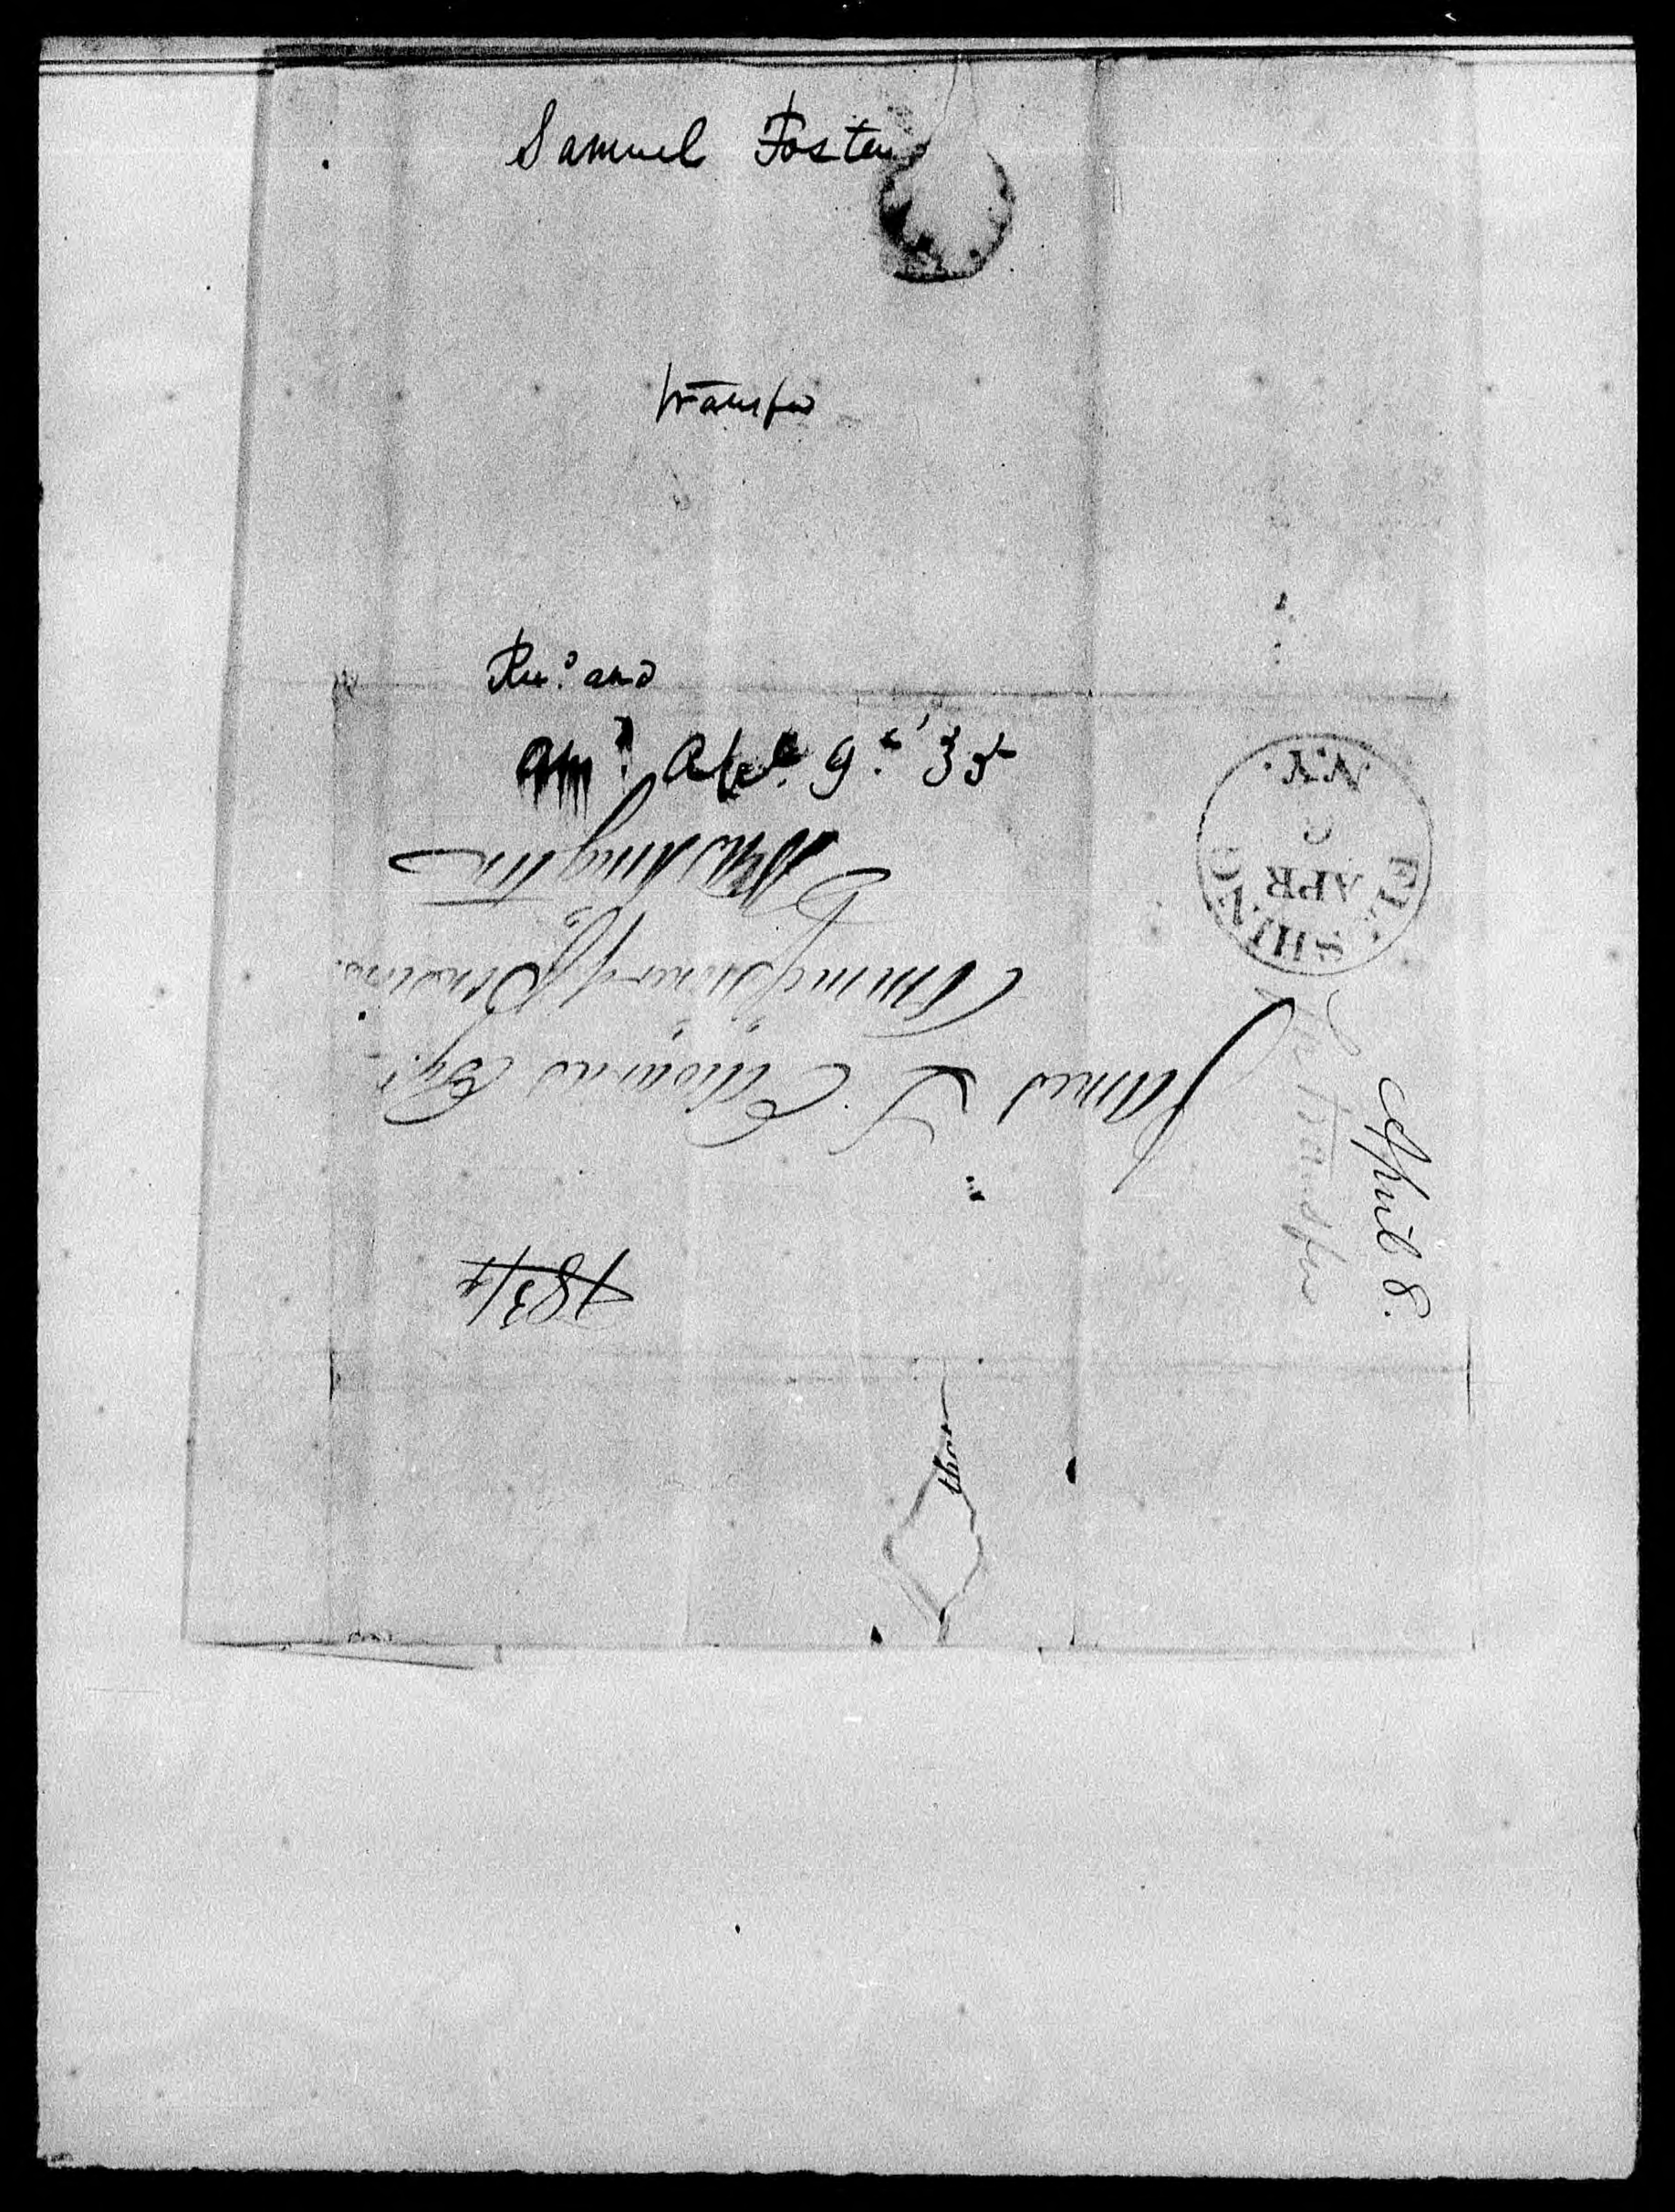Samuel Foster
[illegible]
Recd. and [illegible]
[written upside down on bottom half of page] 
18 3/4 [line through all numbers]
James L Edwards Esqr.
Commissioner of pensions
Washington
[written vertically on left margin] April 8. for transfer
[circular seal on left side of page] FLUSHING APR 6 N.Y.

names: James L Edwards, Samuel Foster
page: 51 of 54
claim: survivor's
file: S. 13,043, Samuel Foster, Conn.